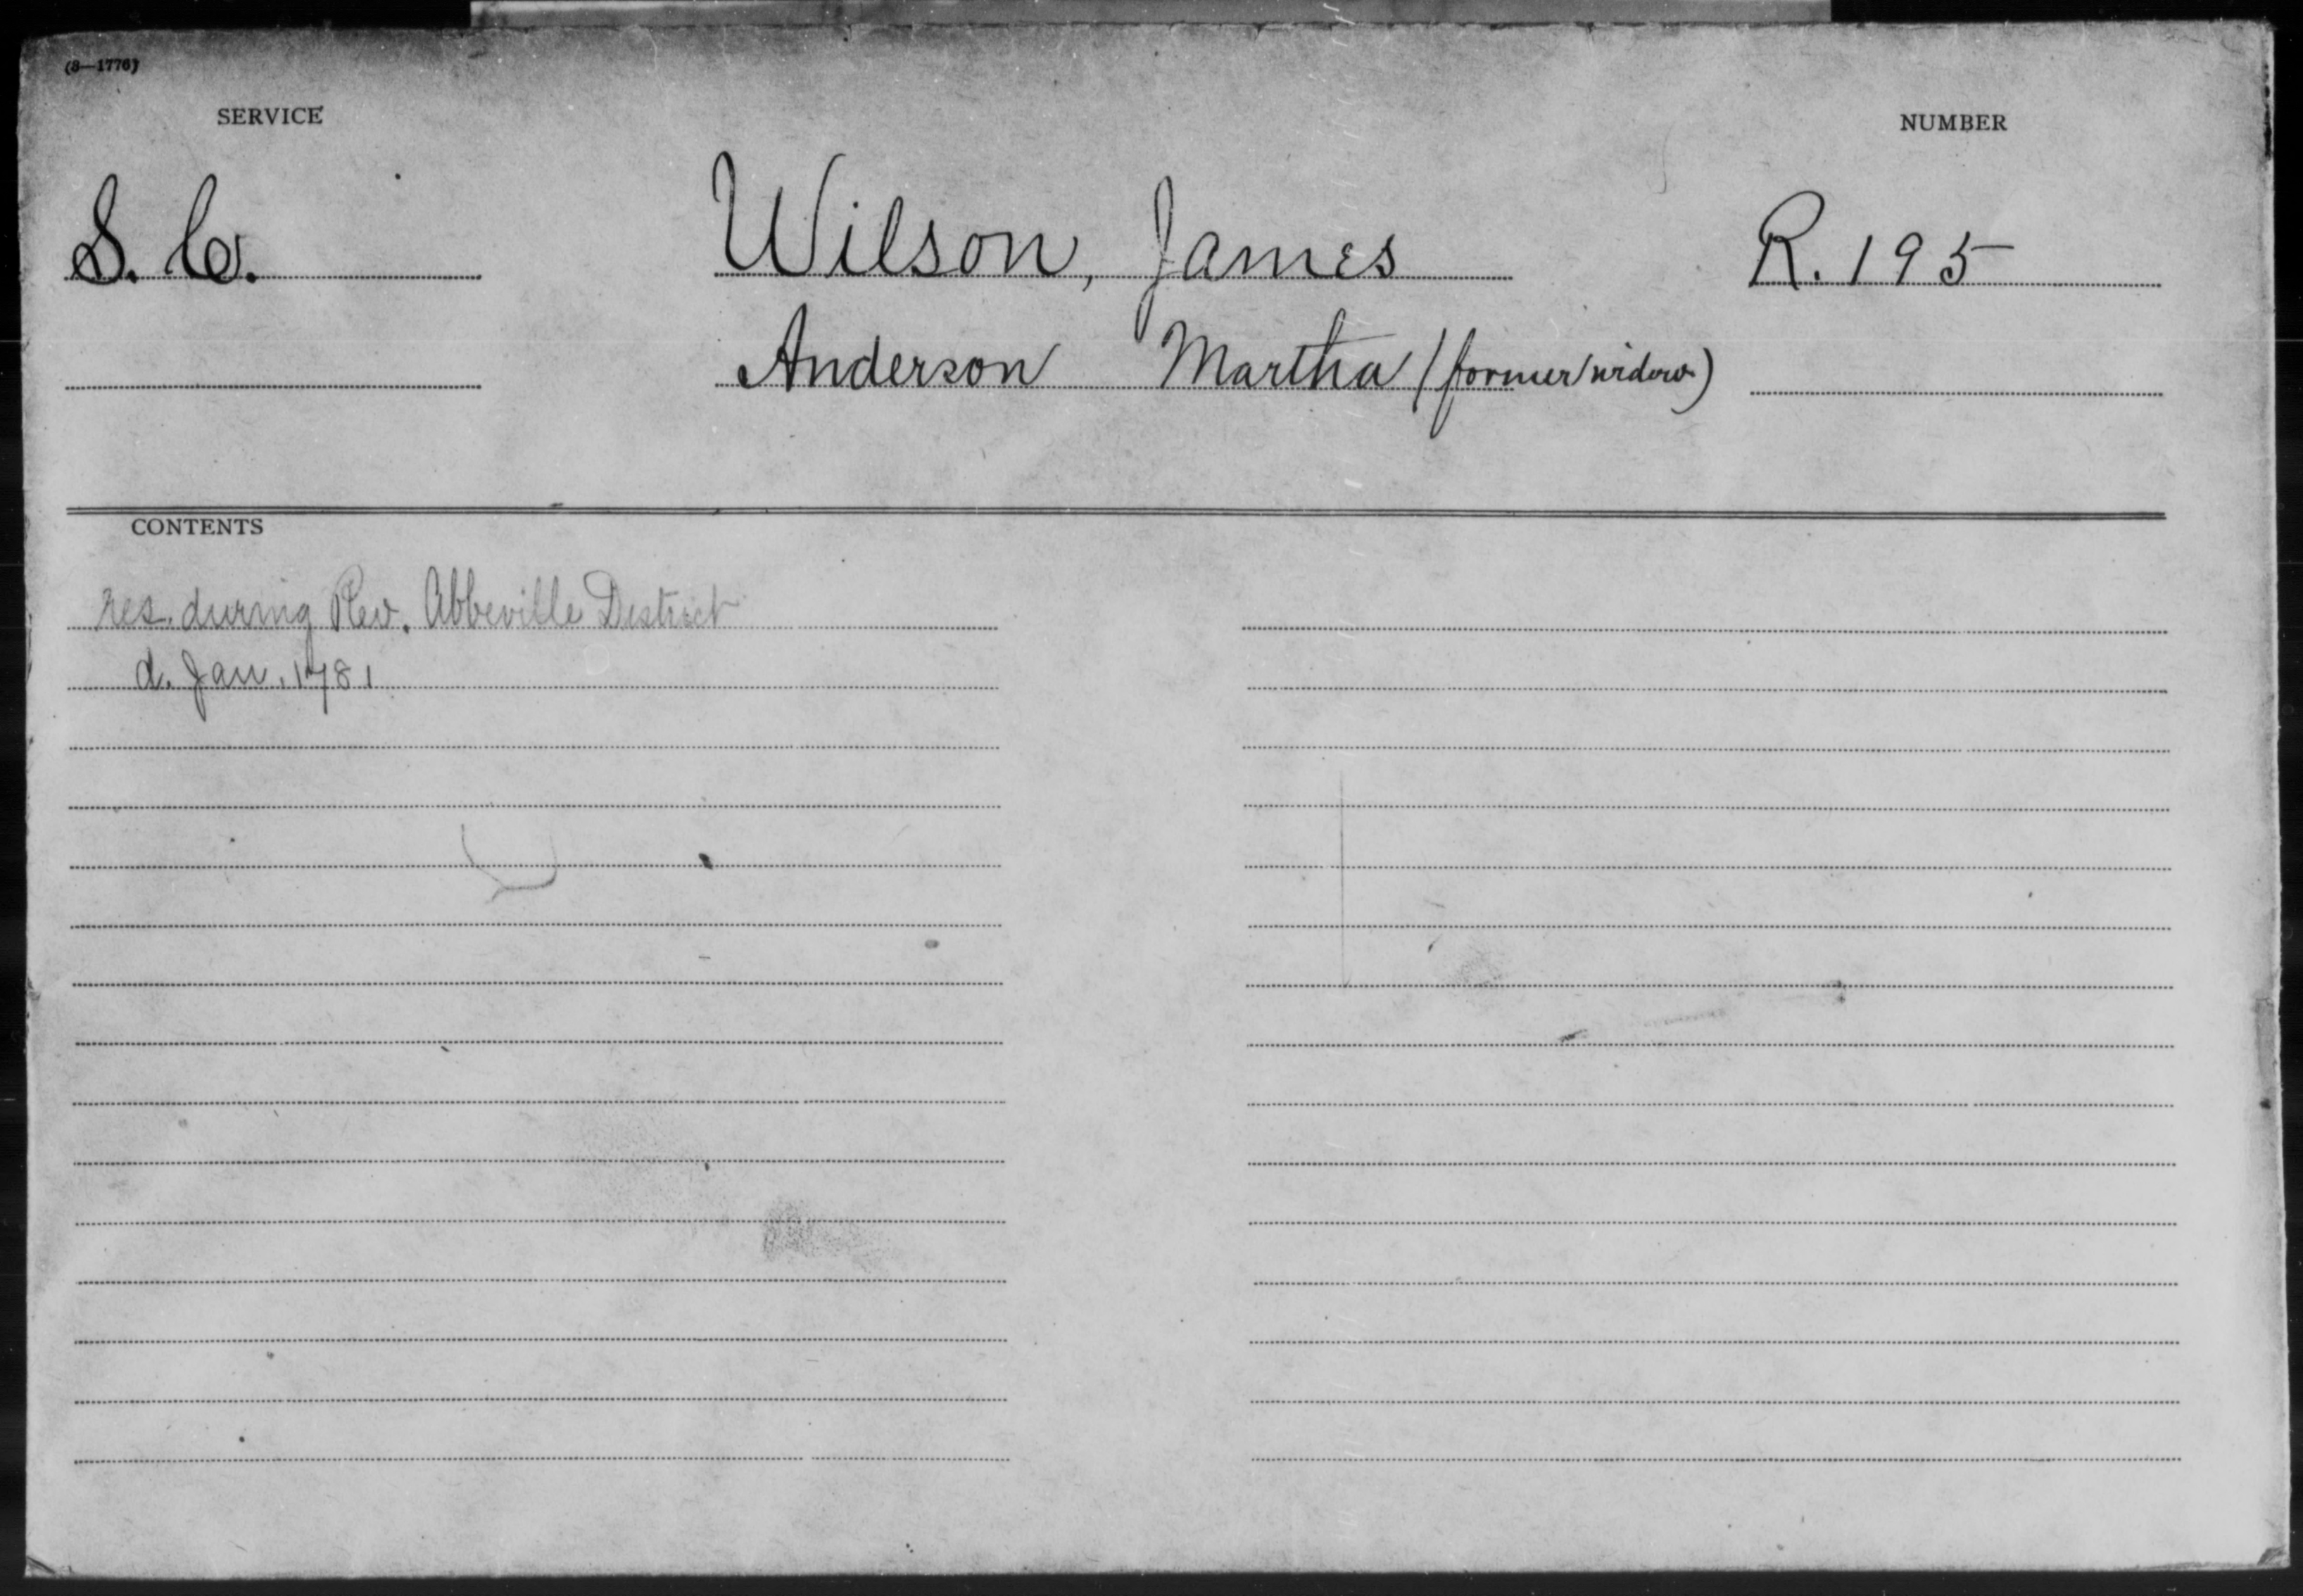(3-1776)

SERVICE
S. C. 

Wilson, James
Anderson Martha (former widow)

NUMBER
R. 195

CONTENTS

res. during Rev. Abbeville District
d. Jan. 1781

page: 1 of 18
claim: rejected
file: R. 195, James Wilson, S. C.